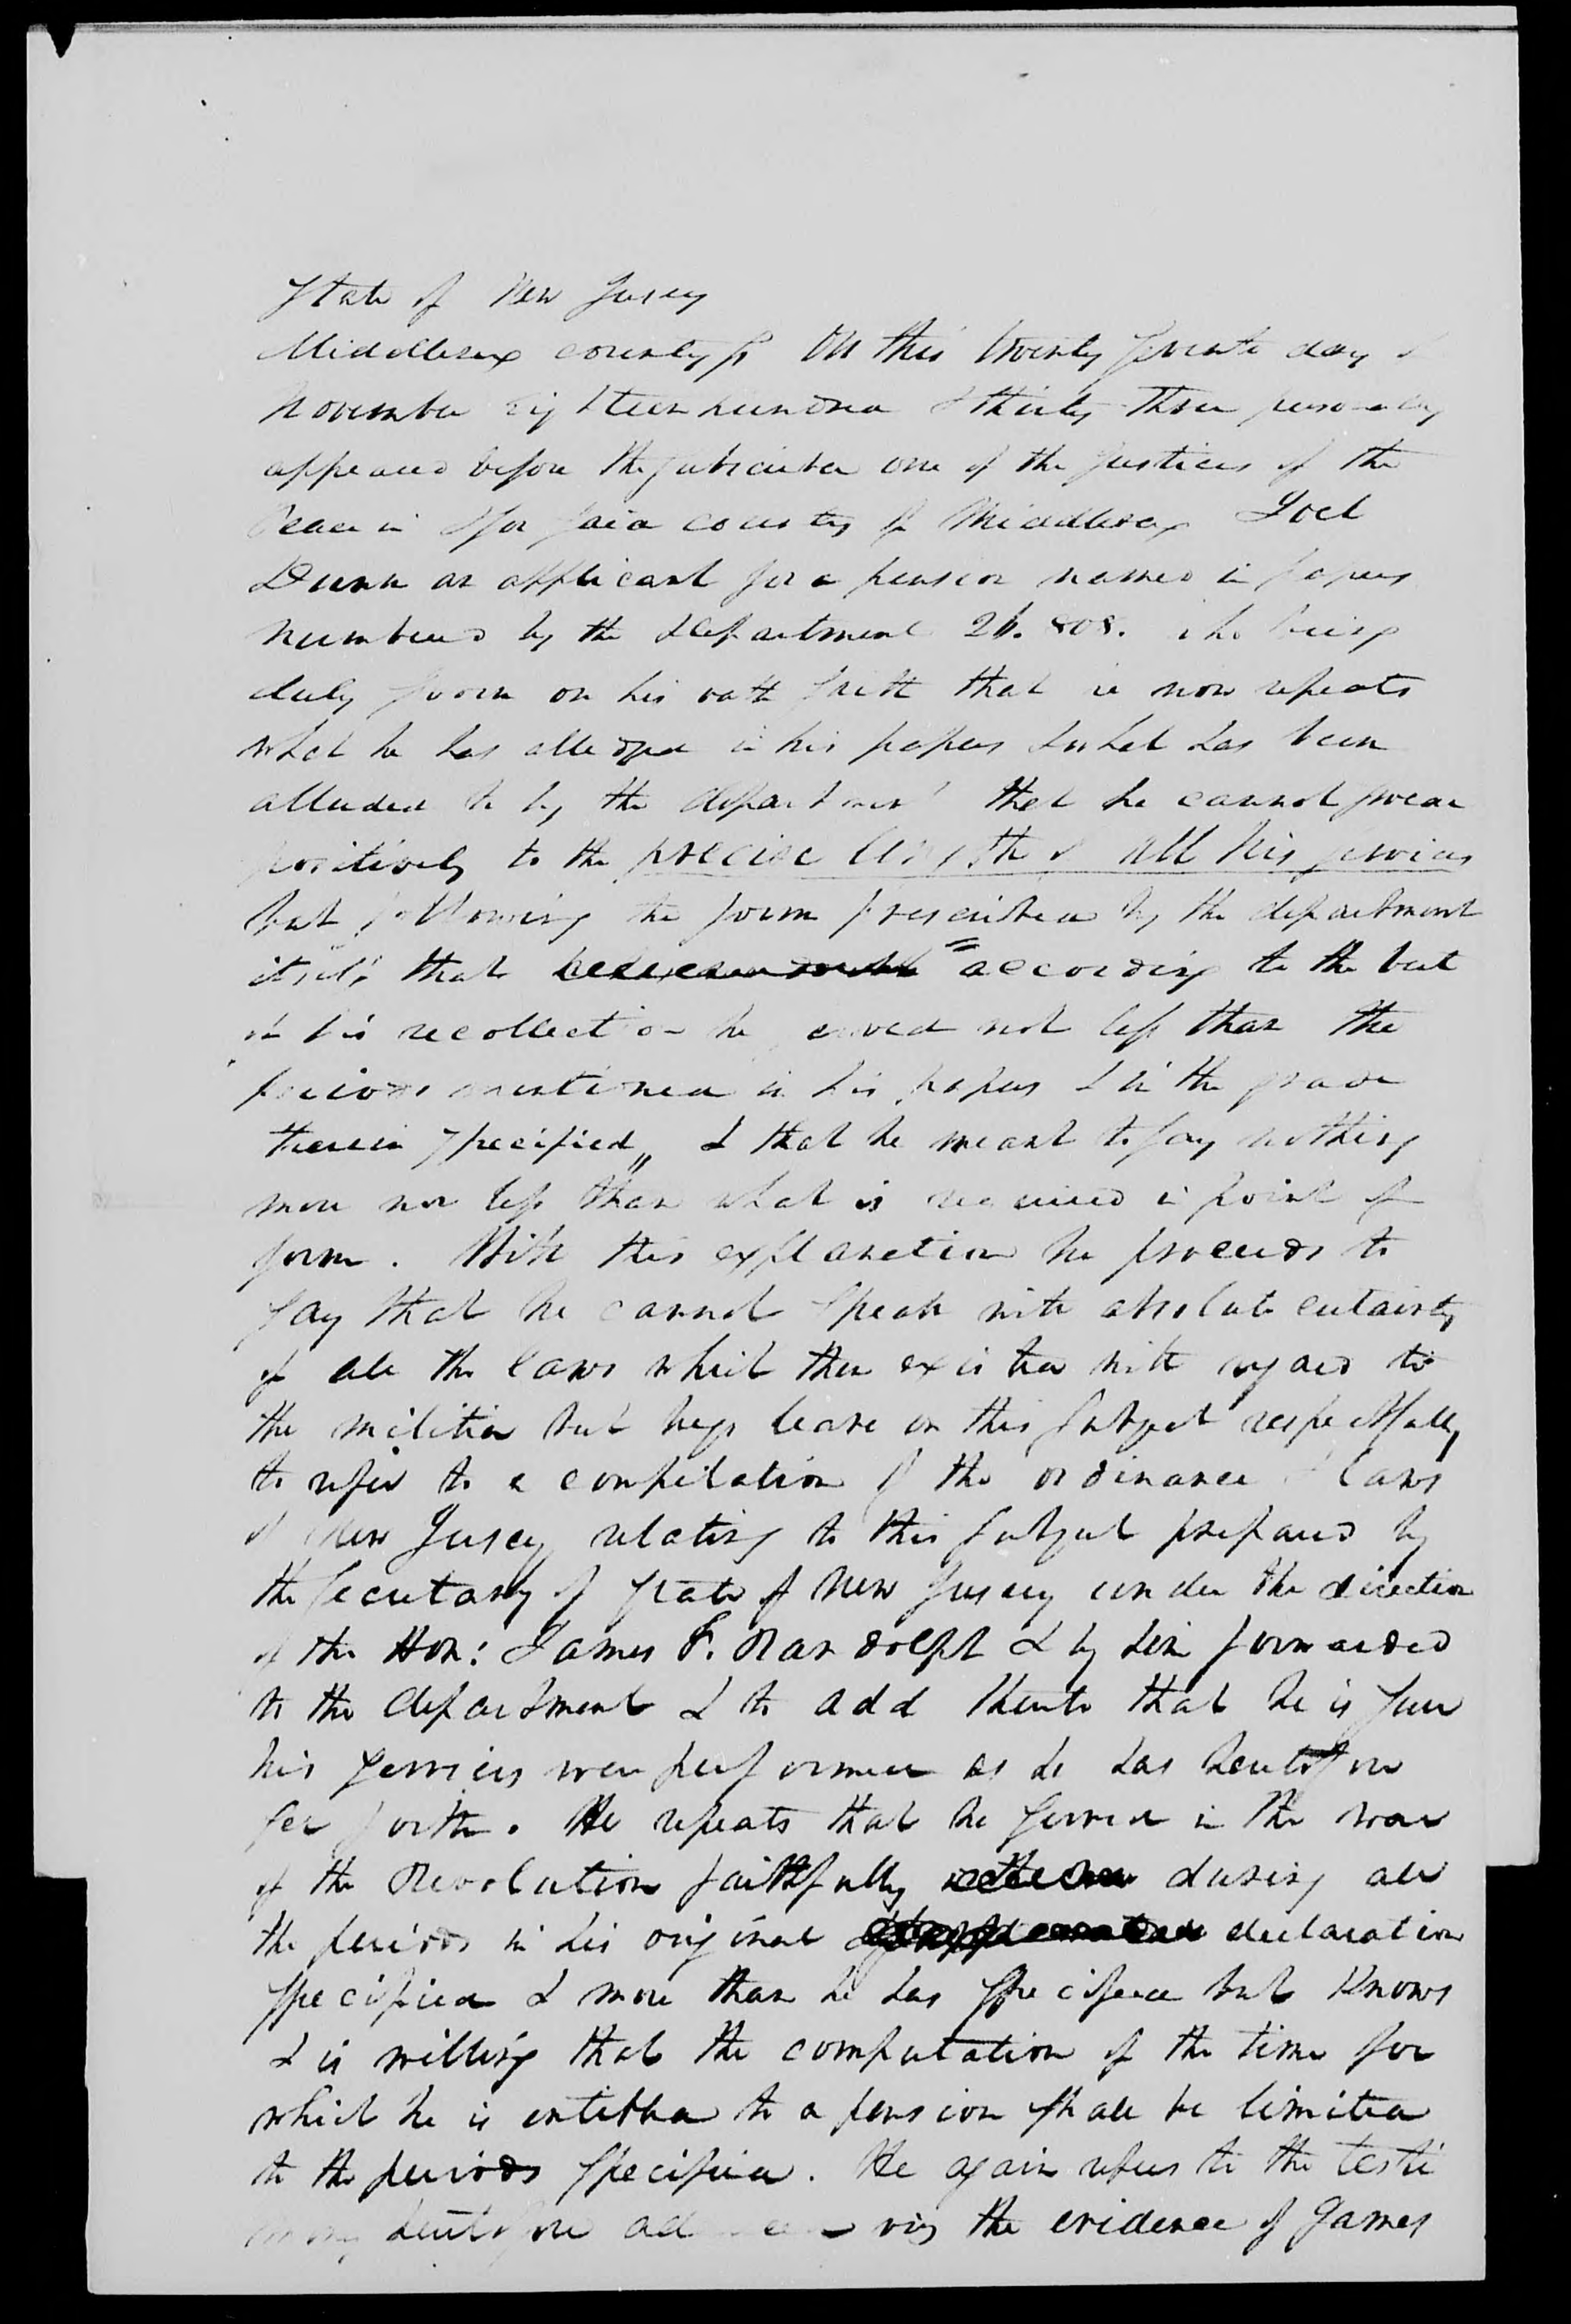State of New Jersey Middlesex county ss
On this twenty first day of November eighteen hundred & thirty three personally appeared before the subscriber one of the Justices of the Peace in & for said county of Middlesex Joel Dunn an applicant for a pension named in papers numbered by the department 26.808. who being duly sworn on his oath saith that he now repeats what he has alleged in his papers & what has been alluded to by the department that he cannot swear positively to the [begin underline] precise length of all his services [end underline] that following the form prescribed by the department itself that [two words crossed out, illegible] according to the best of his recollection he served not less than the period mentioned in his papers & in the [illegible] therein specified & that he means to pay nothing more nor less than what is received in point of form. With this explanation he proceeds to say that he cannot speak with absolute certainty of all the laws which then existed with regard to the militia but [illegible] on this subject respectfully to refer to a compilation of the ordinance & laws of New Jersey relating to this subject prepared by the Secretary of State of New Jersey under the direction of the Hon: James F. Randolph & by him forwarded to the department & to add [illegible] that he is sure his services were performed as he has heretofore set forth. He repeats that he served in the war of the Revolution faithfully [word crossed out, illegible] during all the periods in his original [word crossed out, illegible] declaration specified & more than he has specified but KNOWS & is willing that the computation of the time for which he is entitled to a pension shall be limited to the periods specified.  He again refers to the testimonies heretofore advanced viz the evidence of James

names: Joel Dunn, James F Randolph, James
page: 34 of 52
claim: widow's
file: W. 919, Joel Dunn, New Jersey